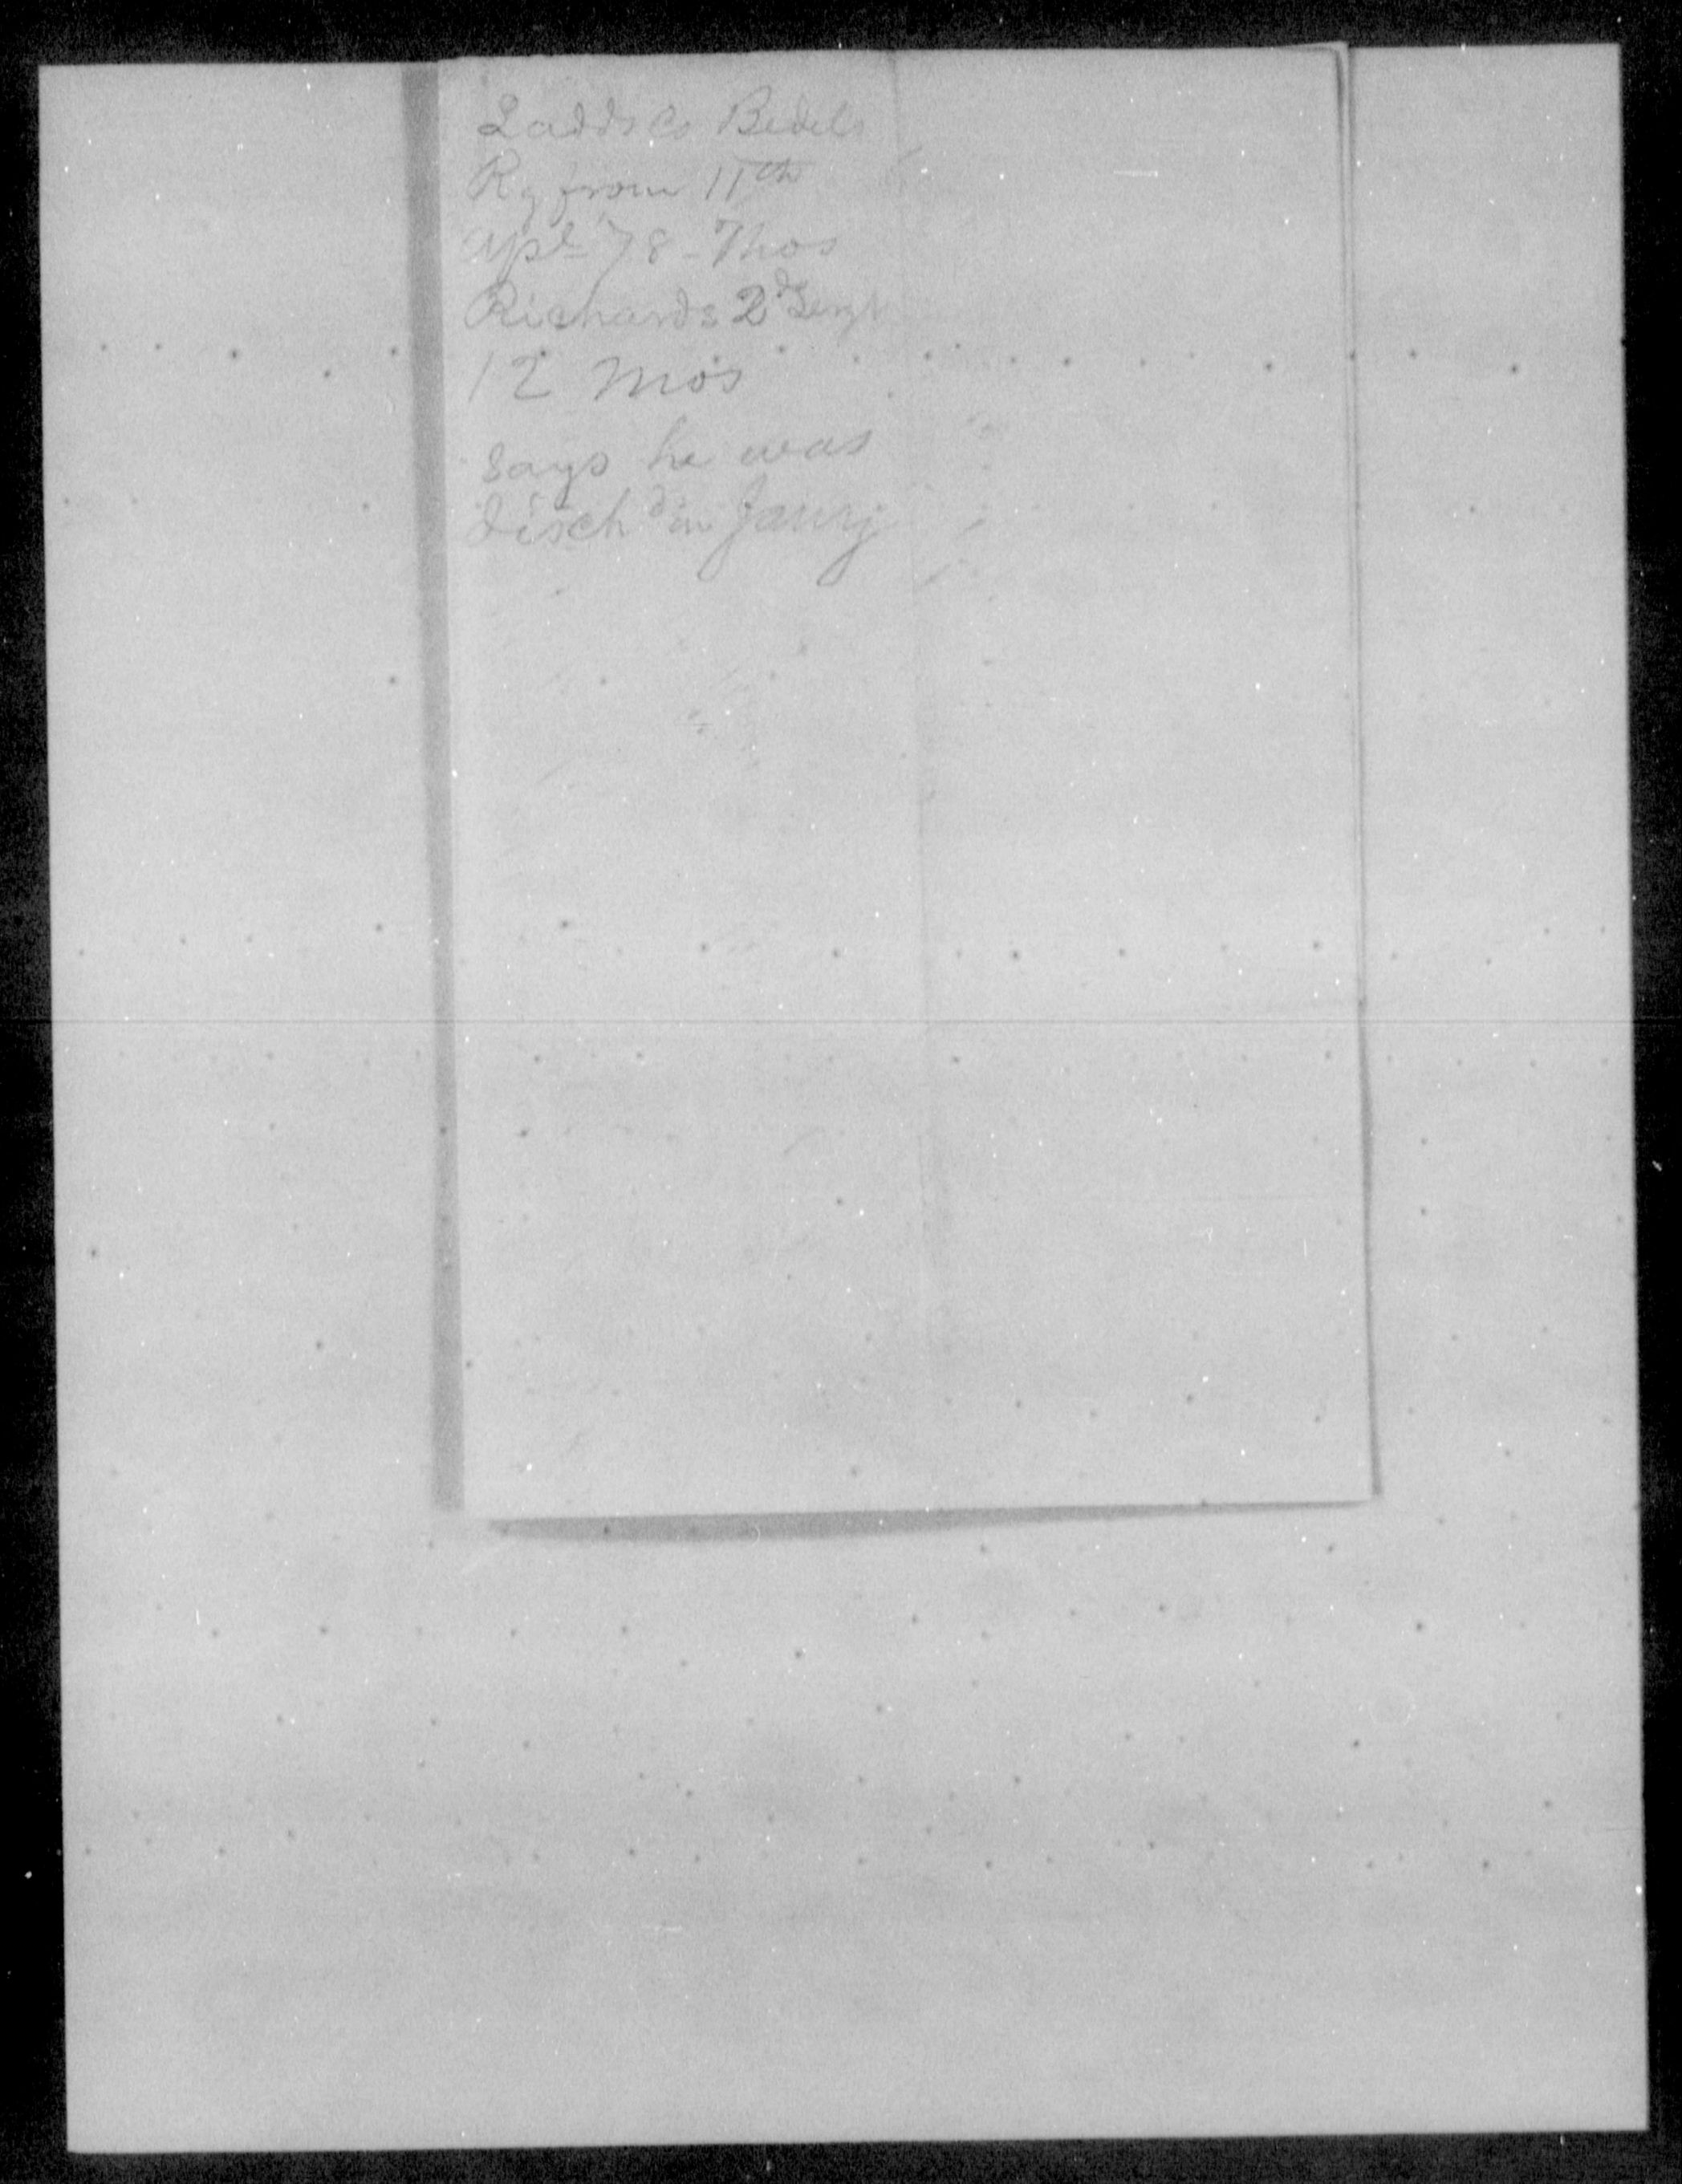Ladd Co [COMPANY] Bedel [BEADLE]s Regiment 11th April [17]78 -Thos [THOMAS] Richards 2nd Sergt [SERGEANT] 12 mos [MONTHS] Says he was dischd [DISCHARGED] in Jany [JANUARY]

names: Thos Richards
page: 60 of 109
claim: widow's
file: W. 5709, for Thomas Richards, New Hampshire